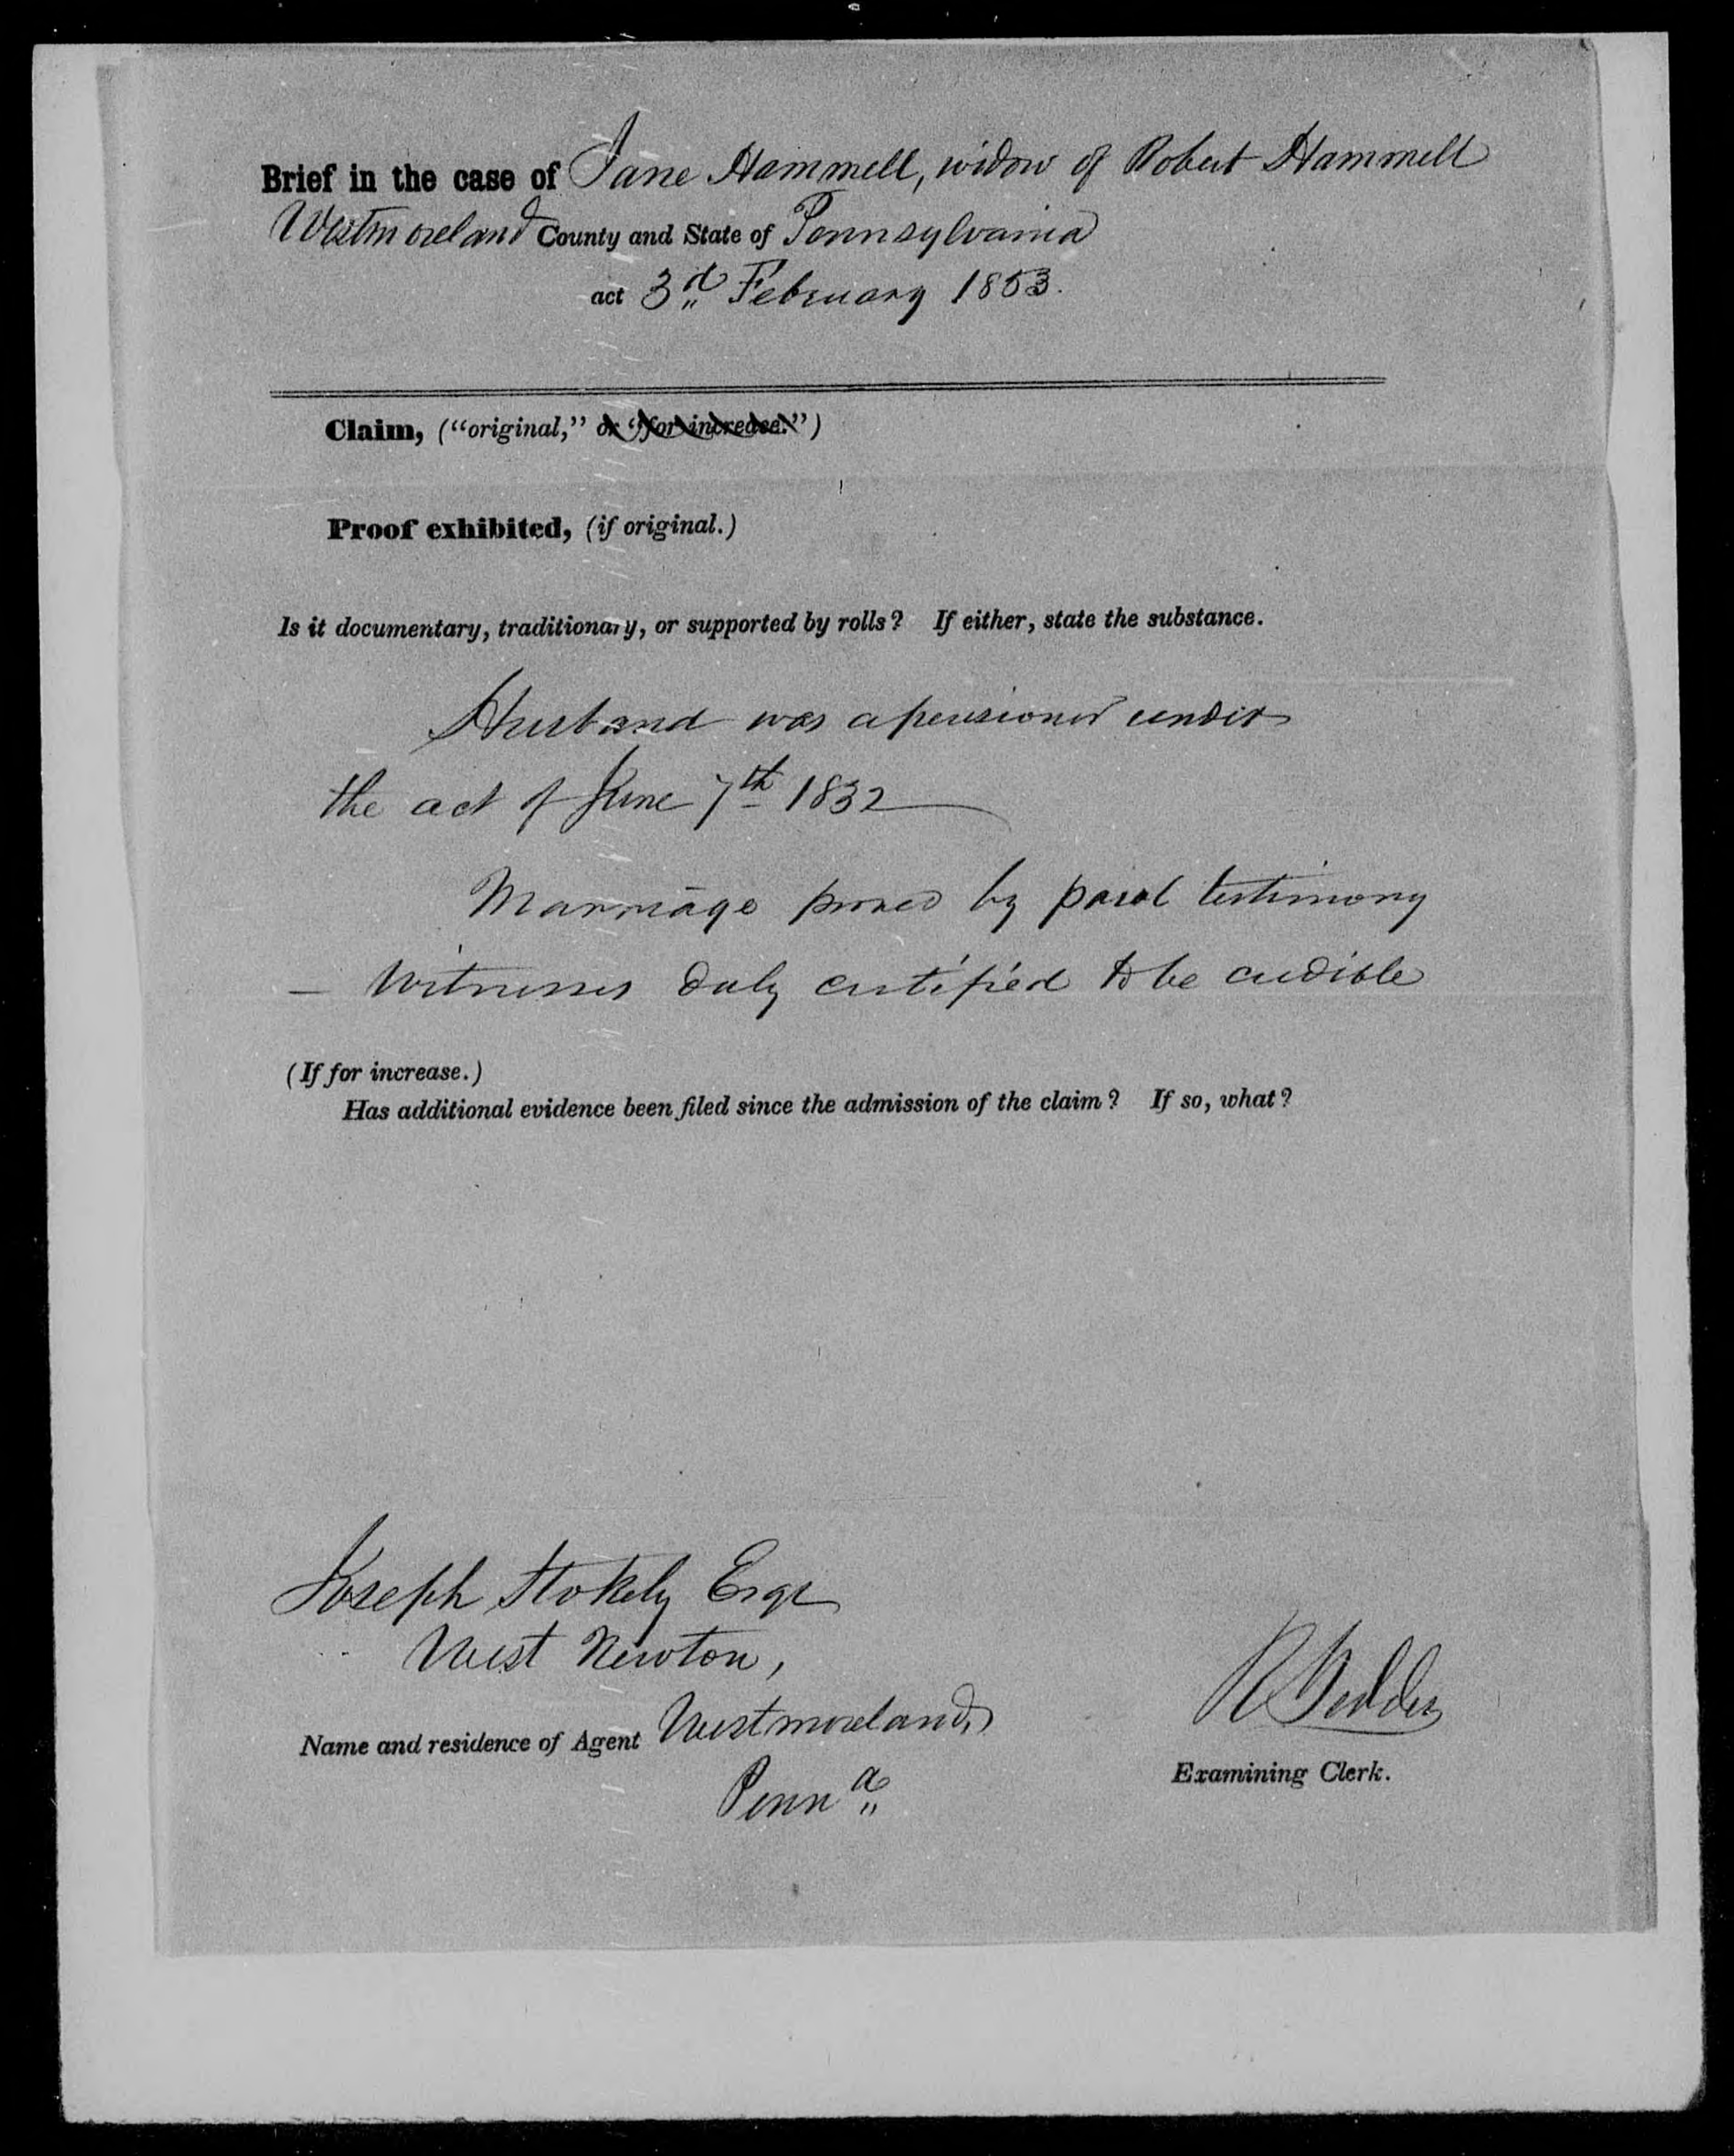Brief in the case of Jane Hammell, widow of Robert Hammell
Westmoreland County and State of Pennsylvania
act 3d February 1853.
Claim ("original" or "for increase") ["for increase" crossed out]
Proof exhibited, (if original.)
Is it documentary, traditionary, or supported by rolls? If either, state the substance.

Husband was a pensioner under the
act of June 7th 1832
Marriage proved by part testimony
Witnesses duly certified to be credible

(If for increase.)
Has additional evidence been filed since the admission of the claim? If so, what?
Joseph Stokely Esqr
West Newton,
Westmoreland, Penna
Name and residence of Agent

R Geddes
Examining Clerk.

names: R Geddes, Joseph Stokely, Robert Hammell, Jane Hammell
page: 78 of 92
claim: widow's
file: W 1173, Robert Hamill, Penn.